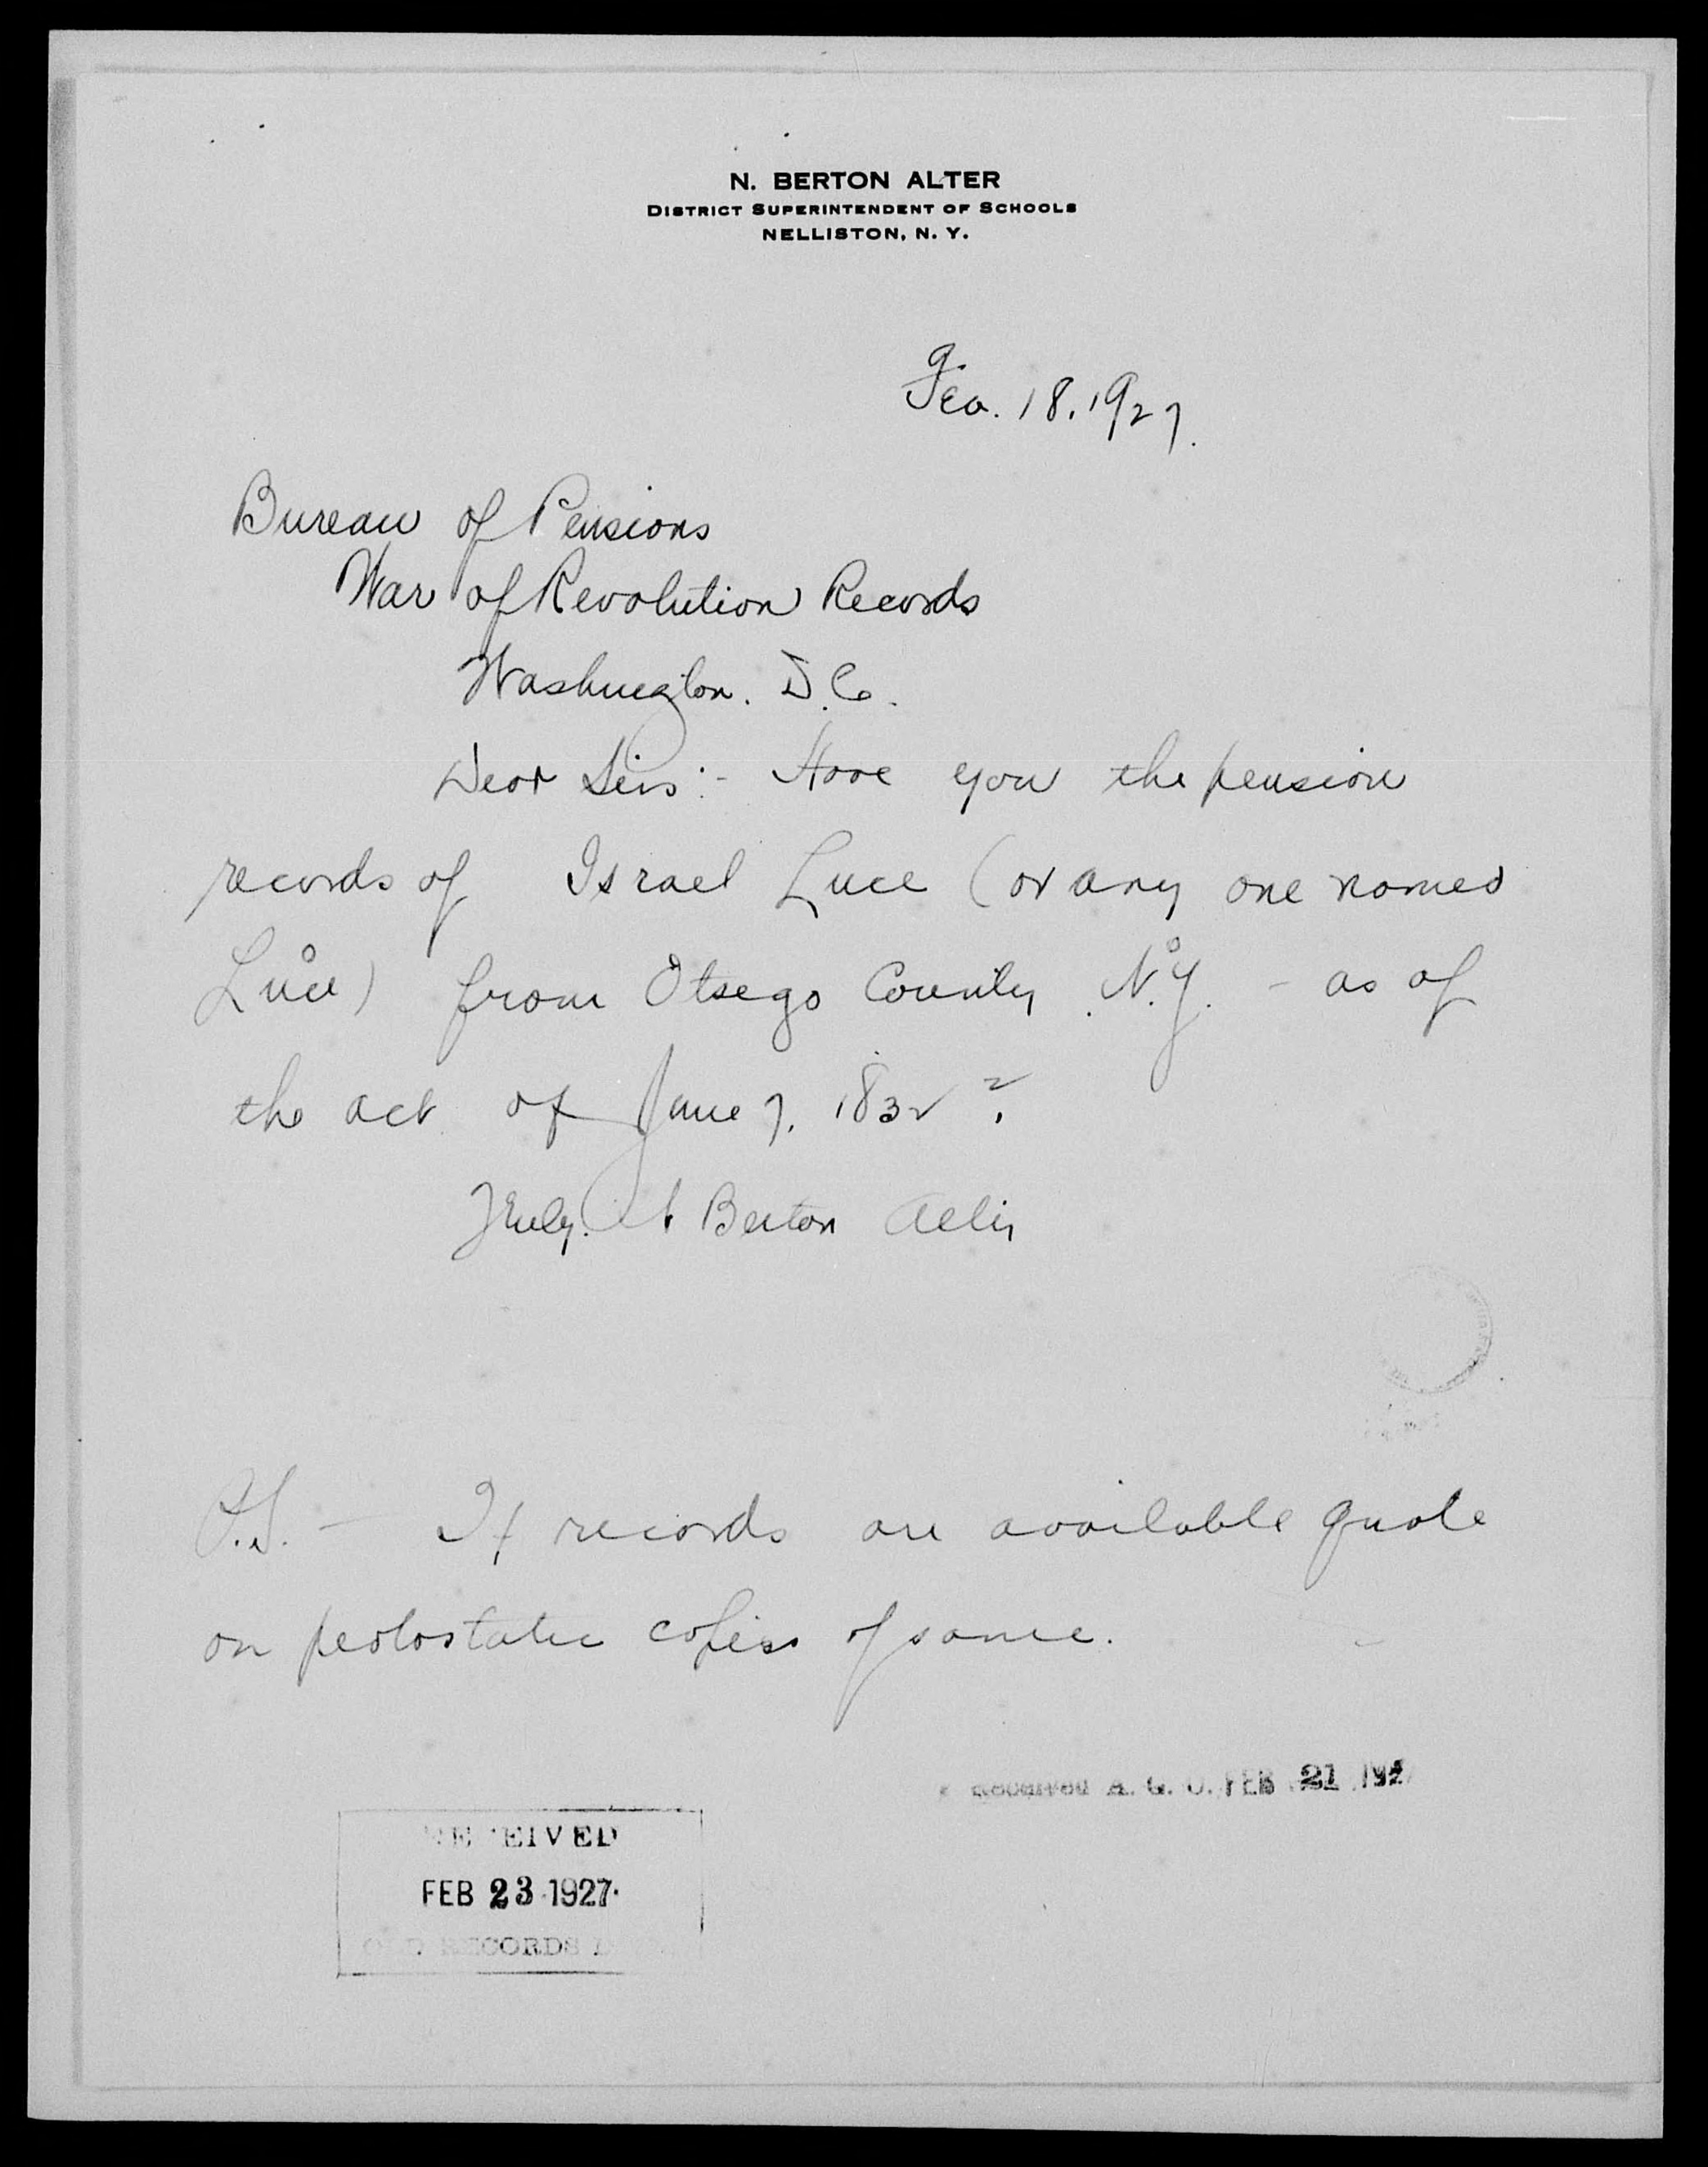N. BERTON ALTER
District Superintendent of Schools
Nelliston, N. Y. 

Feb. 18. 1927

Bureau of Pensions
War of Revolution Records
Washington, D. C.

Dear Sirs:

Have you the pension records of Israel Luce ( or any one named Luce) from Otsego County, N. Y. as of the act of June 7. 1832?
[signed]
Truly, N. Berton Alter

P.S.  If records are available quote on photostatic copies of same.

[stamped]

RECEIVED
FEB 23 1927
OLD RECORDS [illegible]

[stamped]

Received A. G. O. FEB 21 1927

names: N Berton Alter; Israel Luce; Berton Allis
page: 40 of 70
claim: rejected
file: R. 6510, for Israel Luce, New York